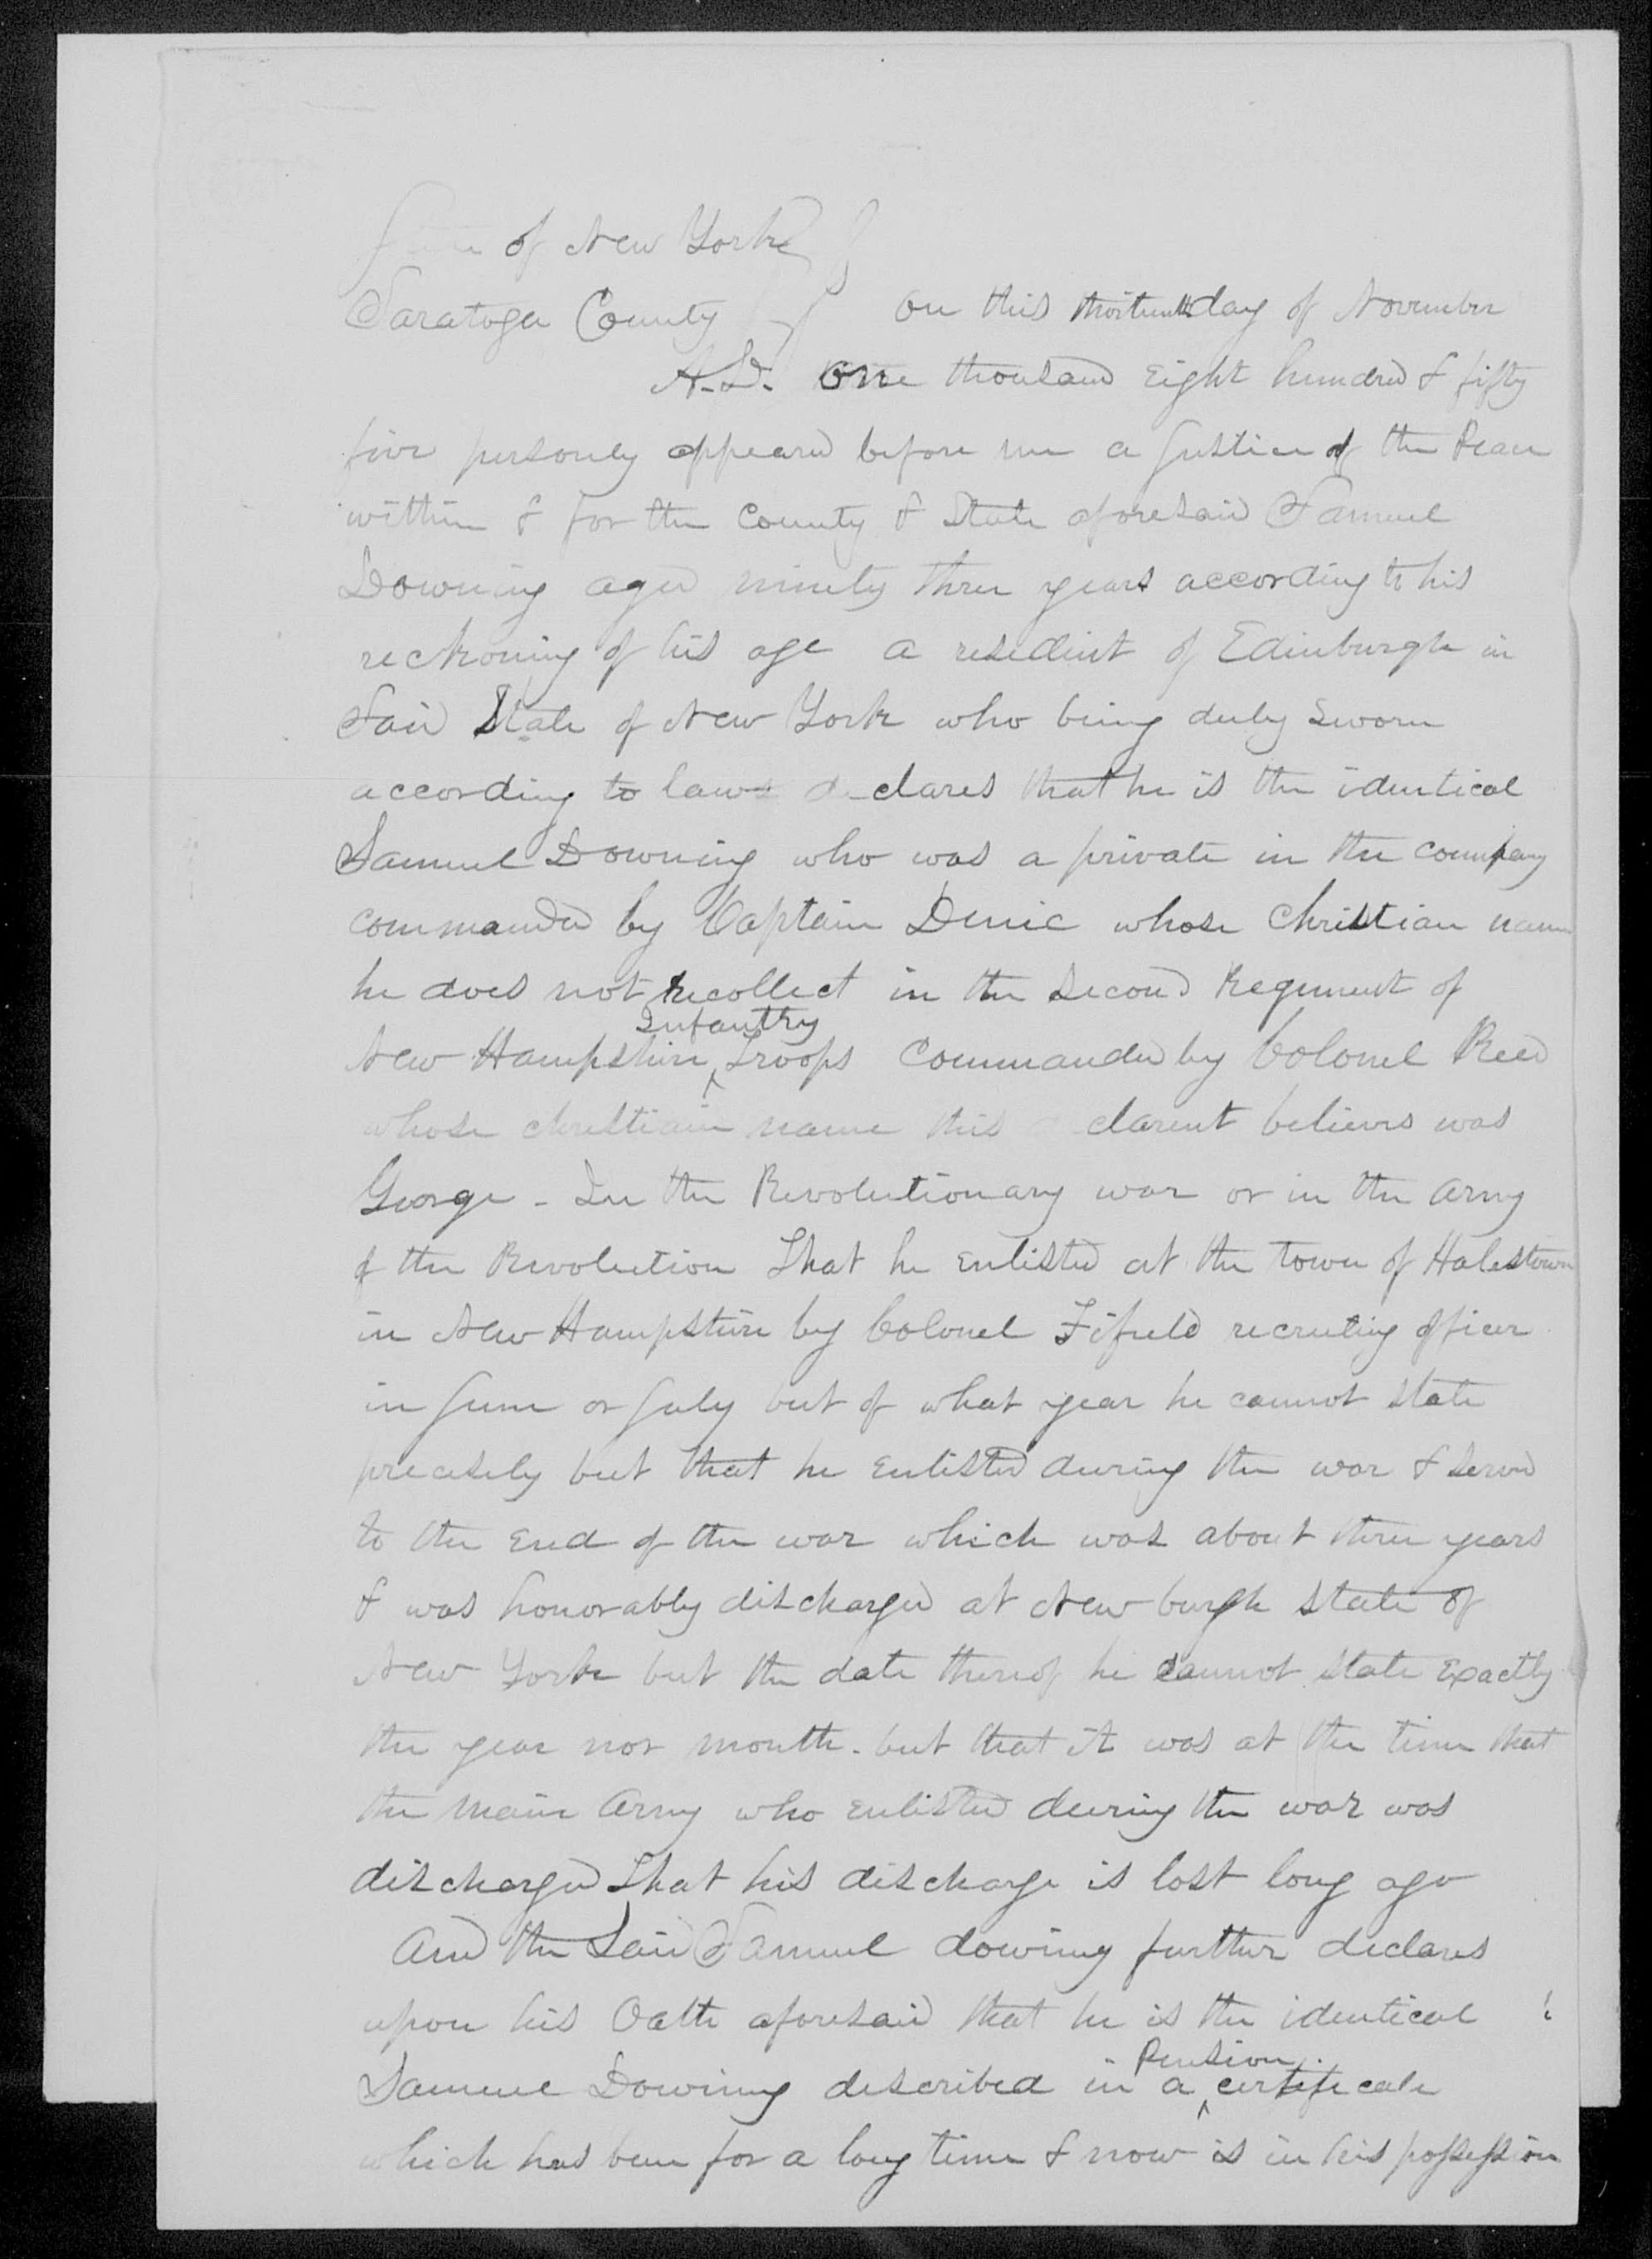State of New York}
Saratoga County
On this thirteenth day of November A.D. one thousand eight hundred & fifty five personly appeared before me a Justice of the Peace within & for the County of State aforesaid Samuel Downing age ninety three years according to his reckoning of his age a resident of Edinburgh in Said State of New York who being duly sworn according to law & declares that he is the identical Samuel Downing who was a Private in the company commanded by Captain Doric whose Christian name he does not recollect in the Second Regiment of New Hampshire infantry Troops commanded by Colonel Reed whose Christian name this declarent believes was George - In the Revolutionary war or in the army of the Revolution That he enlisted at the town of Haliston in New Hampshire by Colonel Fifield recruiting officer in June of July but what year he cannot state precisely but the enlisted during the war & served to the end of the war which was about three years & was honorably discharged at Newburgh State of New York but the date thereof he cannot state exactly the year nor the month but that it was at the time that the Main Army who enlisted during the war was discharged that his discharge is lost long ago and the Said Samuel downing further declared upon his Oath aforesaid that he is the identical Samuel Downing described in a pension certificate which has been for a long time & now is in his possession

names: George, Samuel Downing, Reed, Samuel Downing, Samuel Downing, Derric, Samuel Downing, Fifield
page: 5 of 56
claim: survivor's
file: S. 40,055, Samuel Downing, N.H.